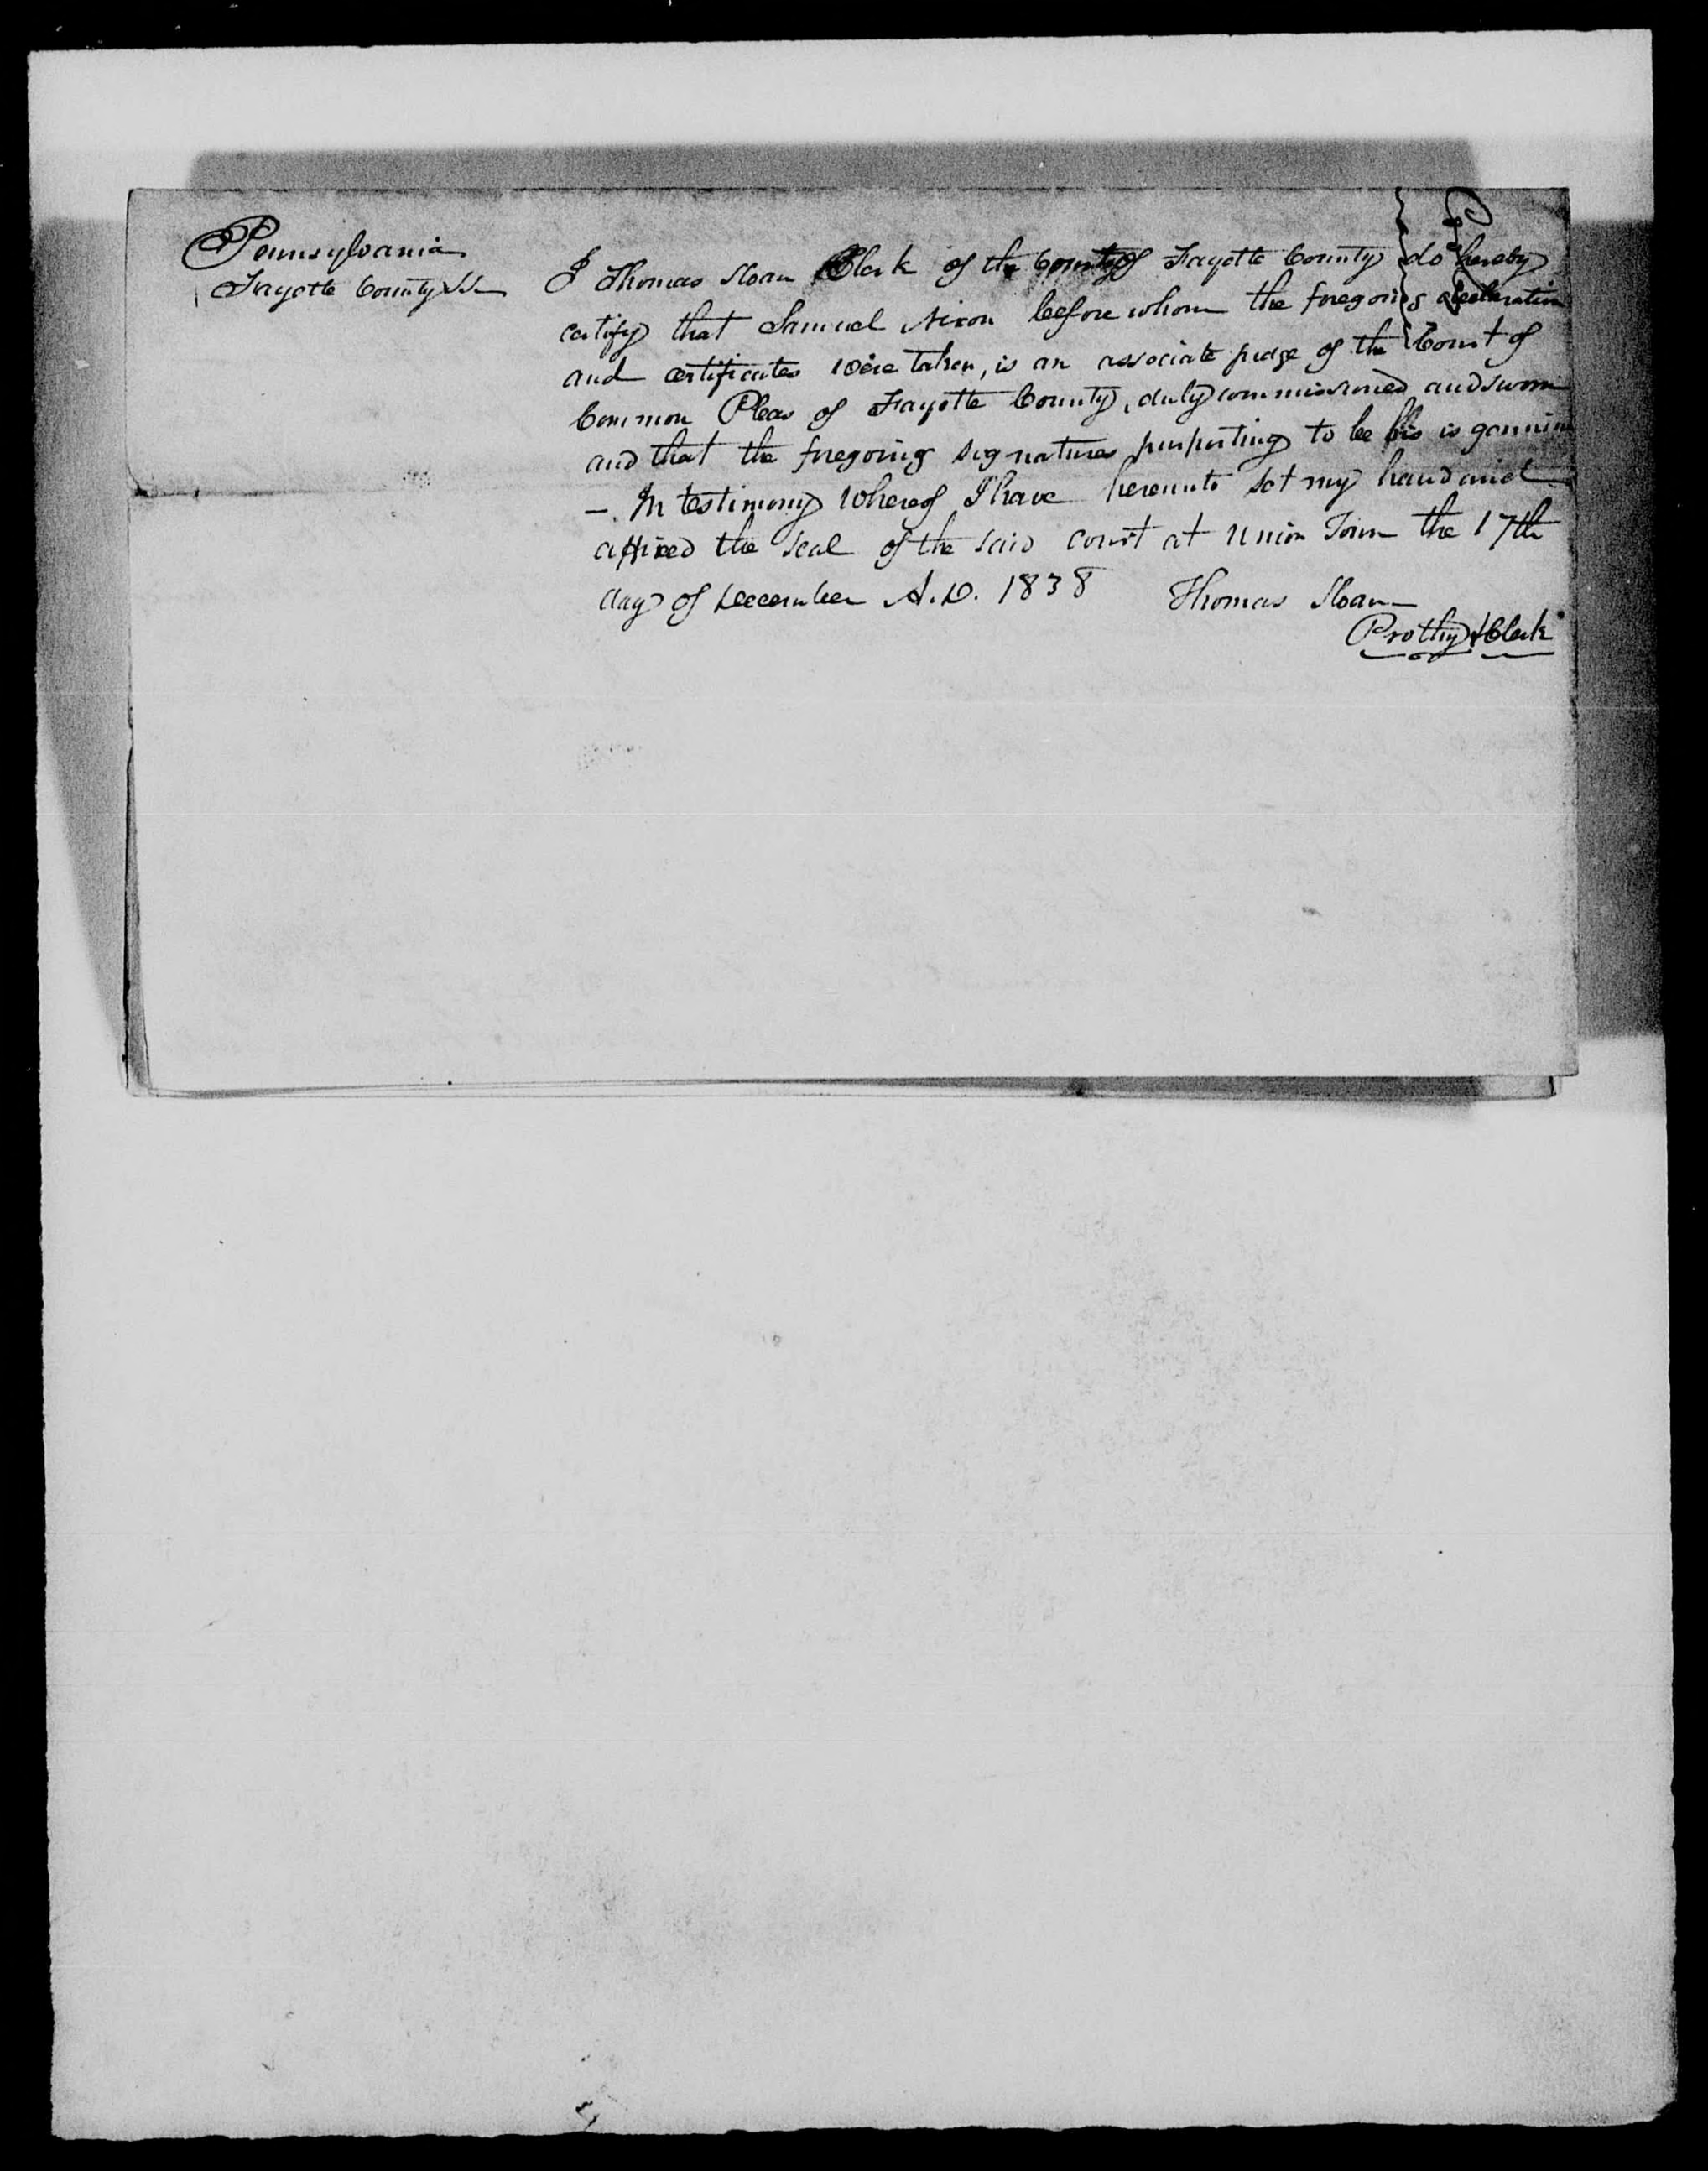Pennsylvania Fayette County [illegible]
I Thomas Sloan  Clerk of the county of Fayette County do hereby certify that Samuel Nixon before whom the foregoing declaration and certificates were taken, is an associate judge of the Court of Common Pleas of Fayette County, duly commissioned and sworn and that the foregoing signature purporting to be his is genuine -. In testimony whereof I have hereunto set my hand and affixed the seal of the said court at Union Town the 17th day of December A.D. 1838
Thomas Sloan
Prothy & Clerk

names: Thomas Sloan, Samuel Nixon, Thomas Sloan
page: 3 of 19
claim: rejected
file: R. 2,283, Richard Cooley, Md.